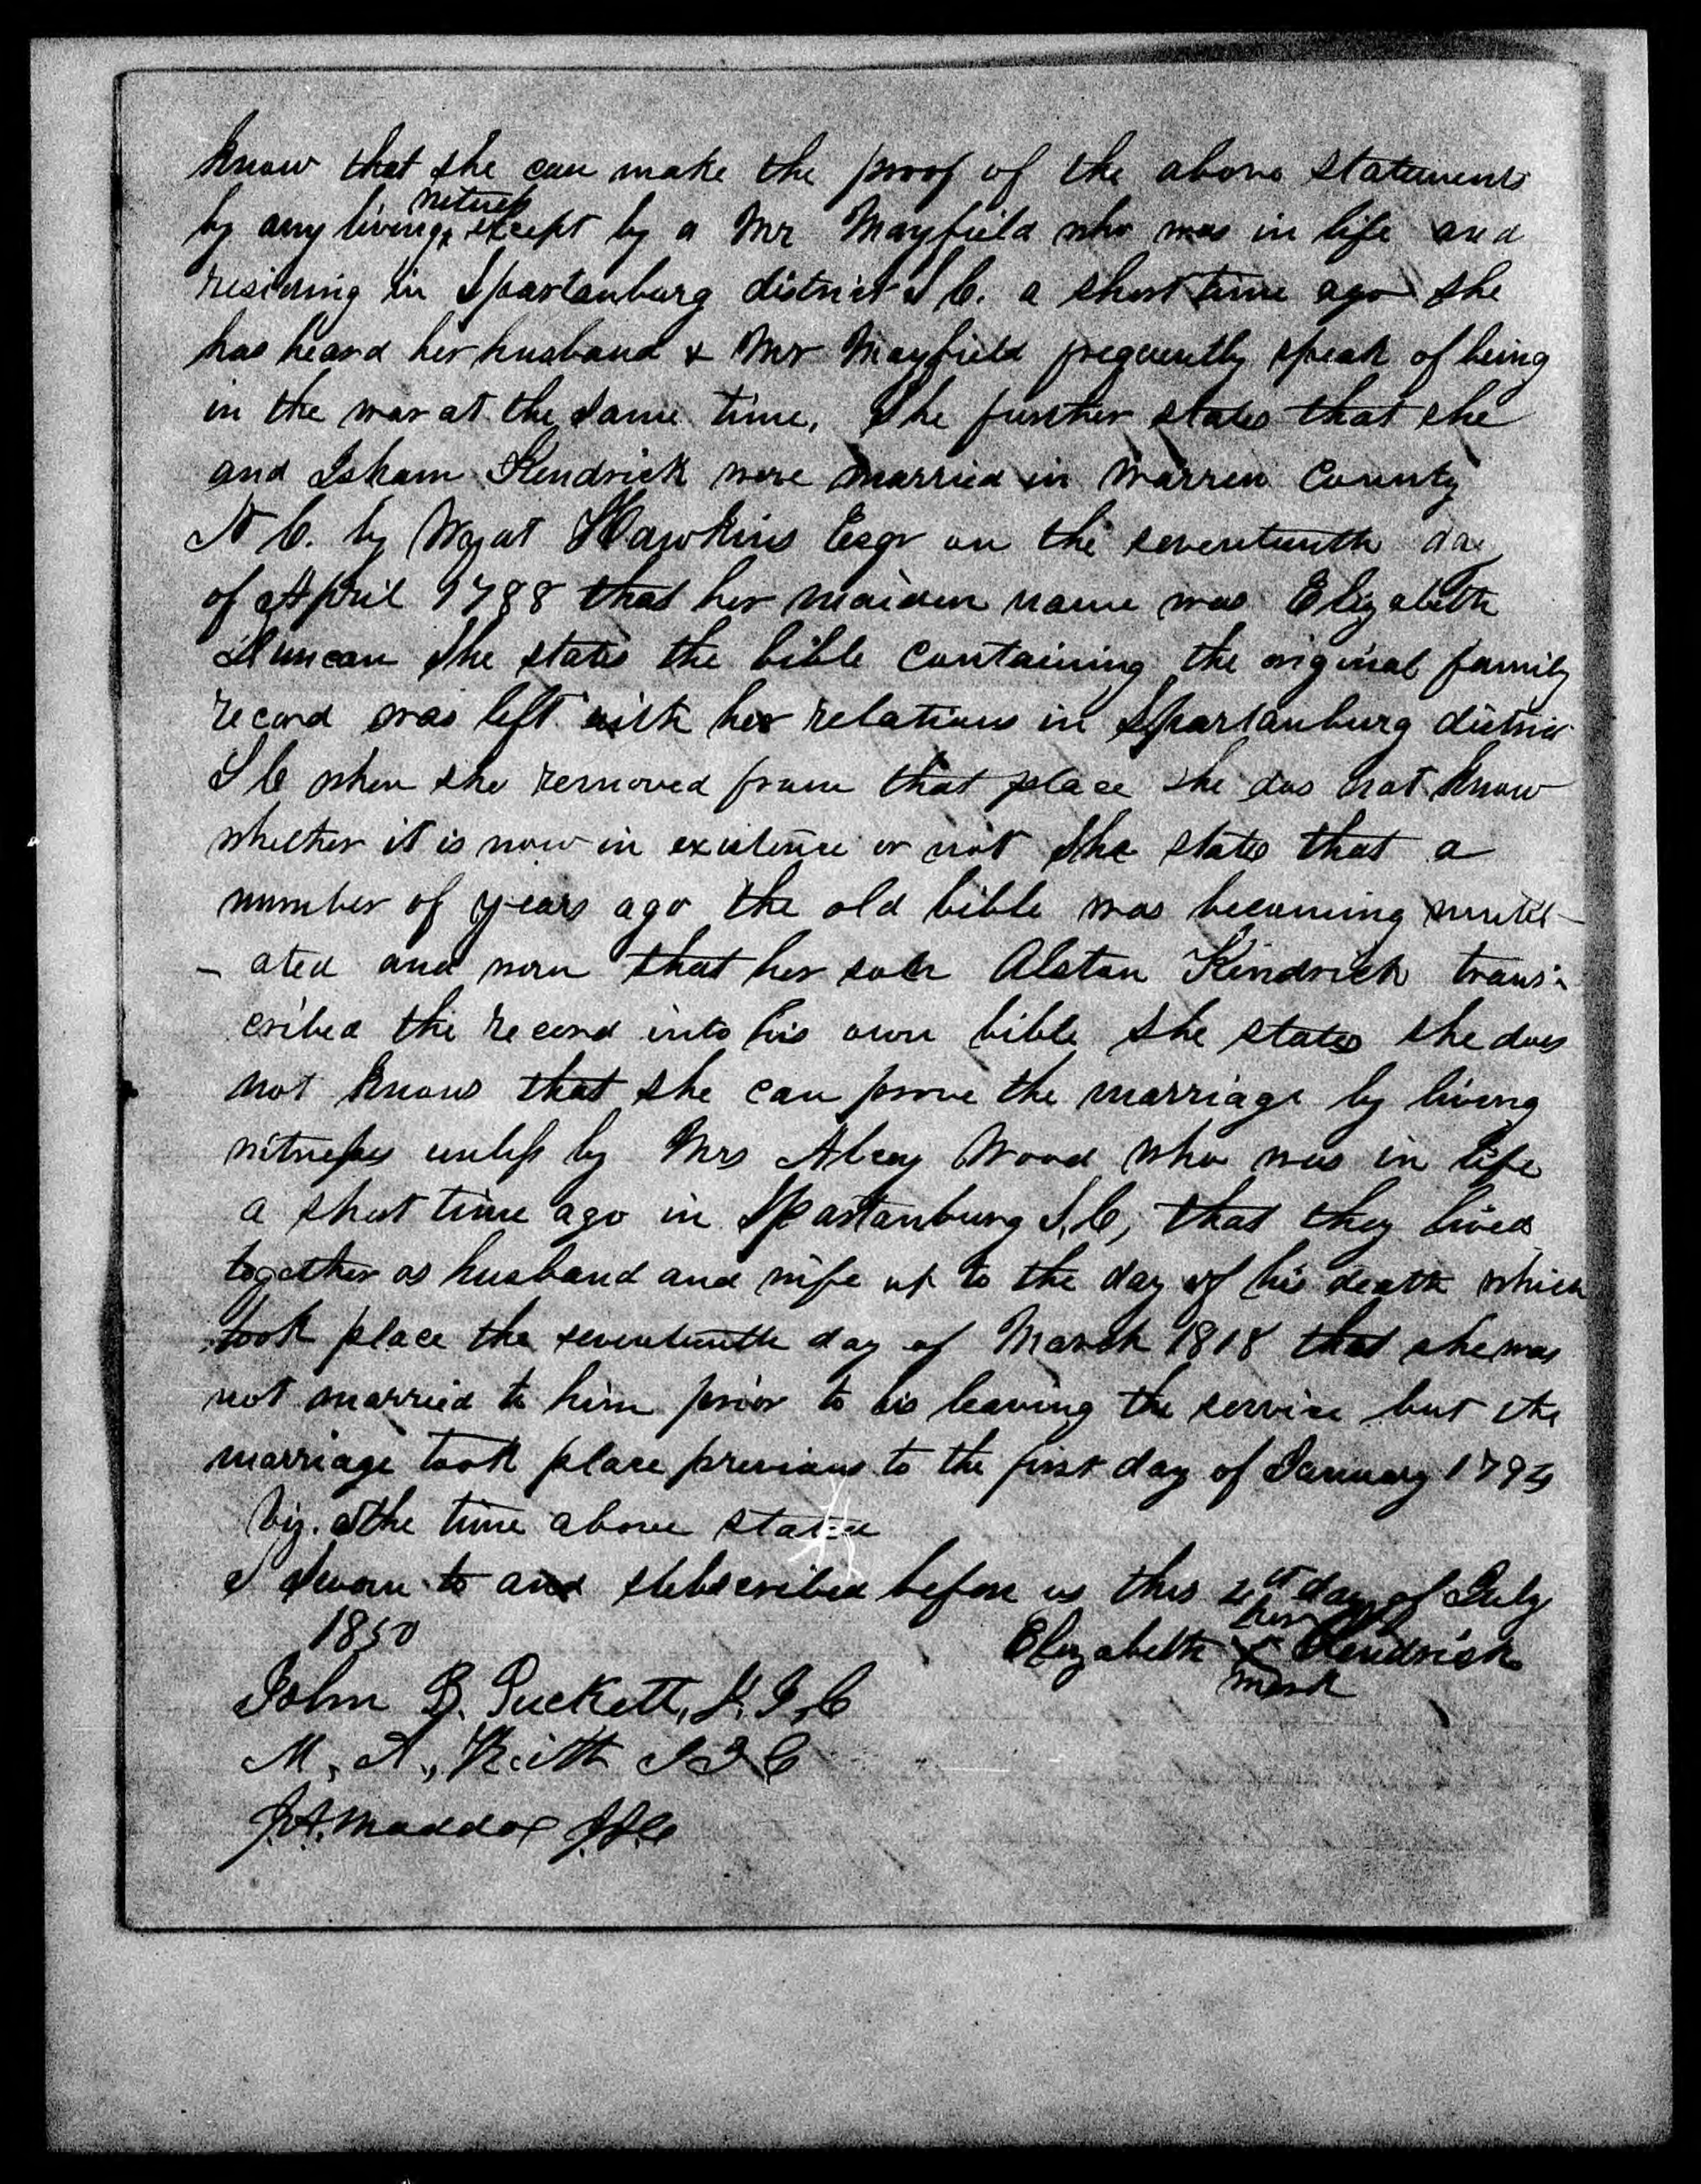know that she can make the proof of the above statements 
by any living relative except by a Mr. Mayfield who was in life and 
residing in Spartanburg district S.C. a short time ago She 
has heard her husband & Mr Mayfield frequently speak of being 
in the war at the same time. The further states that she 
and Isham Kendrick were married in Warren County 
N. C. by Wyatt Hawkins Esqr on the seventeenth 
day of April 1788 that her maiden name was Elizabeth 
Duncan she states the bible containing the original family 
record was left with her relations in Spartanburg district 
SC when she removed from that place she does not know 
whether it is now in existence or not  she states that a 
number of years ago the old bible was becoming [illegible] 
and now that her son Alston Kendrick transcribed 
the record into his own bible  She states she does 
not know that she can prove the marriage by living 
witnesses unless by Mrs Aleny Wood who was in life 
a short time ago in Spartanburg S.C. that they lived 
together as husband and wife up to the day of his death which 
took place the seventeenth day of March 1818  that she was 
not married to him prior to his leaving the service but the 
marriage took place previous to the first day of January 1794 
by the time above stated 

Elizabeth Kendrick  X  her mark

Sworn to and subscribed before us this 4th day of July 
1850 

John B. Puckett, J.I.C.  
M. A. Keith J.I.C.
J. A. Maddox J.I.C.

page: 3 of 29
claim: rejected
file: R. 5862, for Isham Kendrick, North Carolina